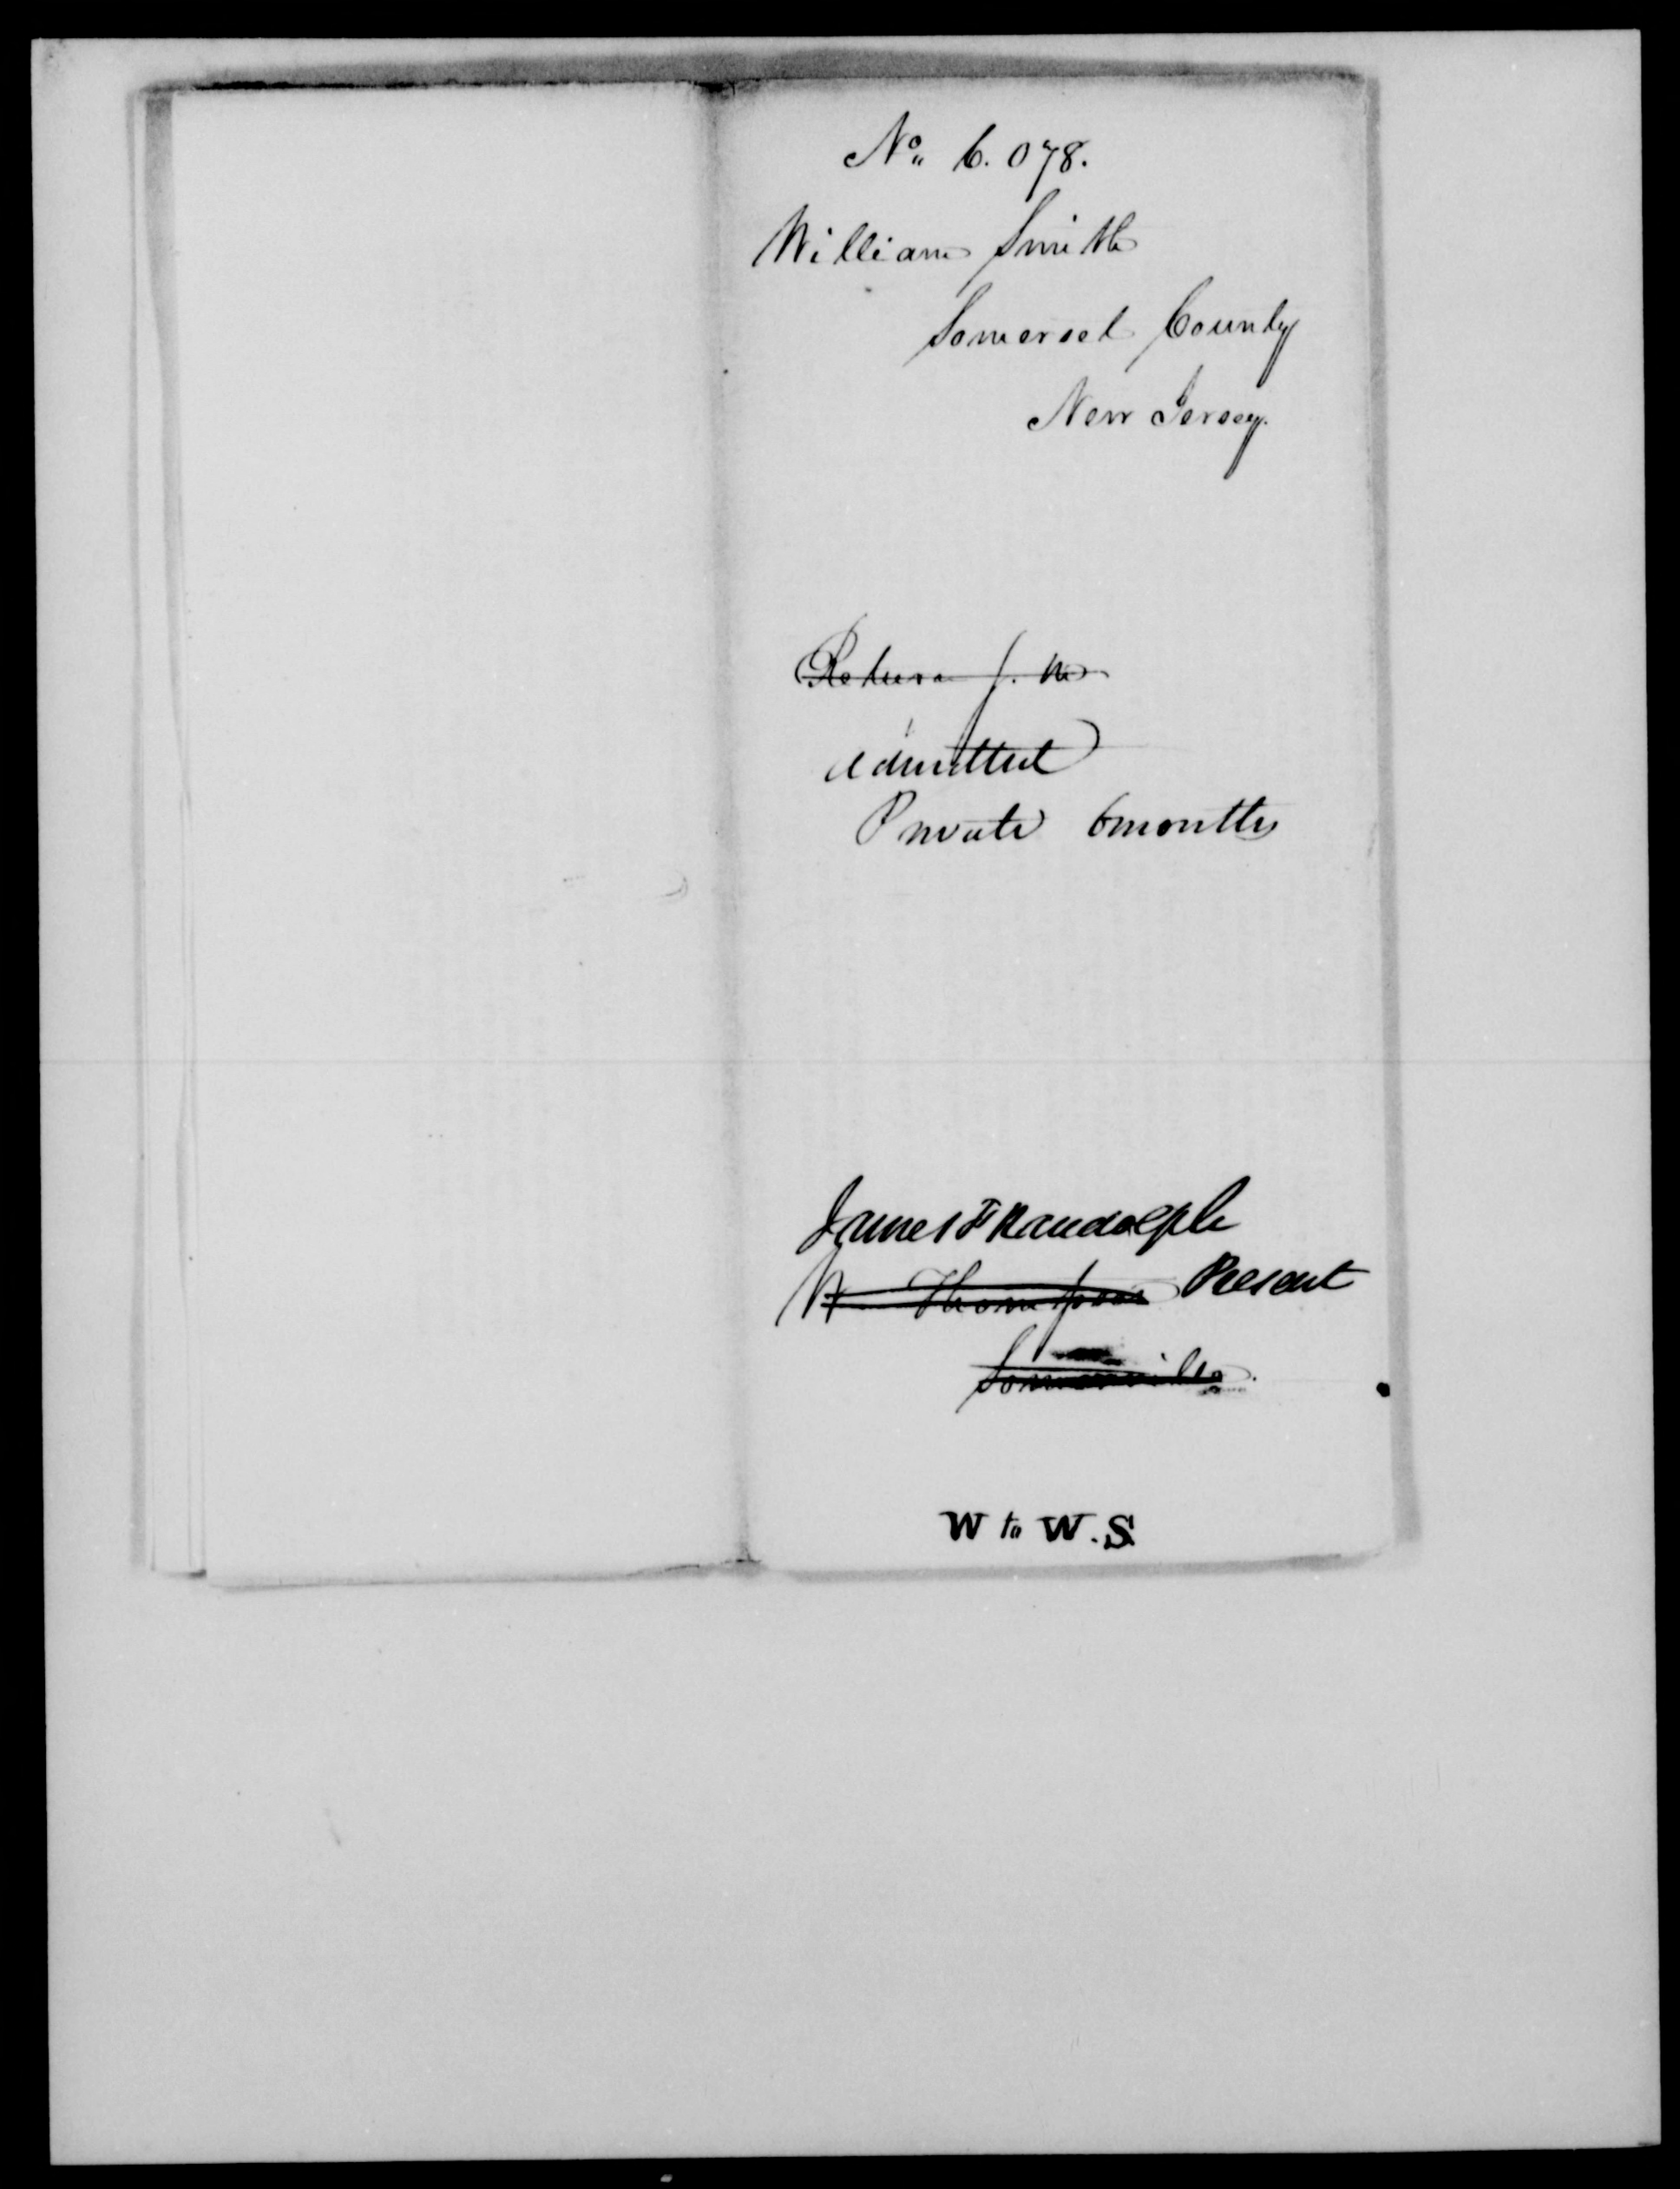No 6.078

William Smith
Somerset County
New Jersey


['Return S. no' crossed out]
Admitted
Private 6 months


James F Randolph
['N. Thompson' crossed out] Present

W to W.S.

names: William Smith; W Thompson; James F Randolph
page: 3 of 27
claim: survivor's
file: S. 915, for William Smith, New Jersey